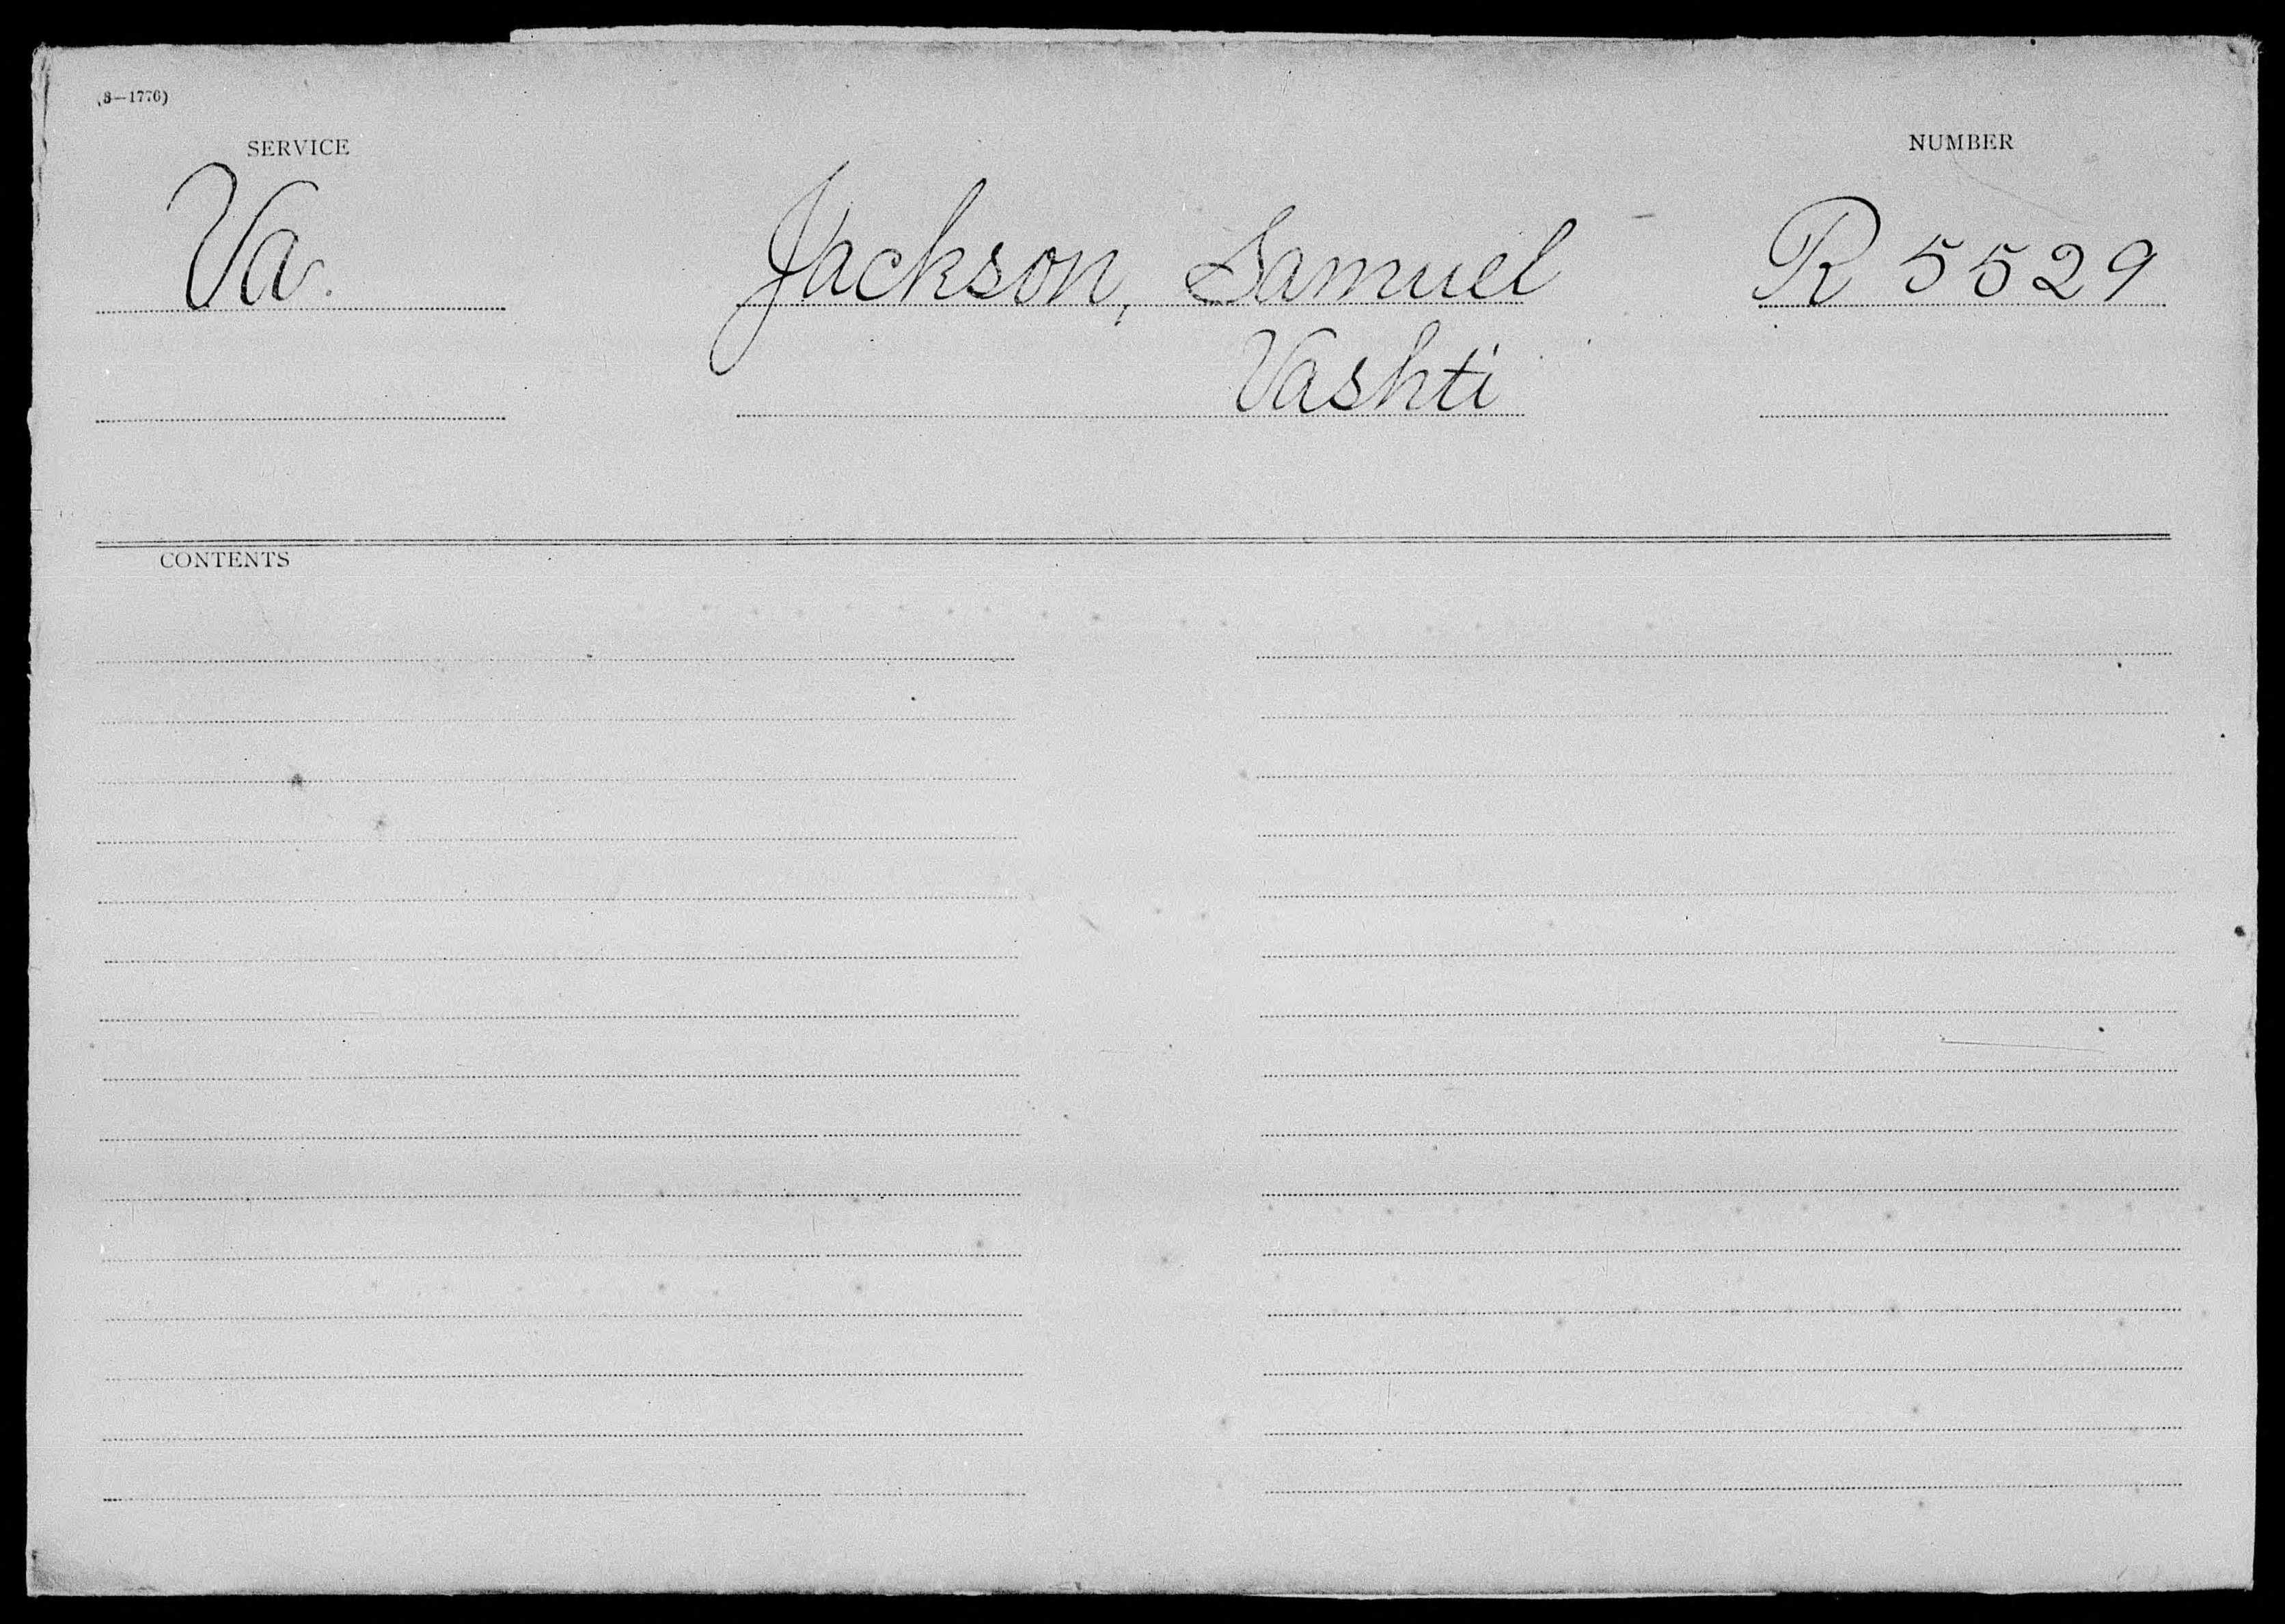SERVICE Va.

Jackson, Samuel
Vashti

NUMBER R 5529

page: 1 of 56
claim: rejected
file: R 5529, for Samuel Jackson, Virginia